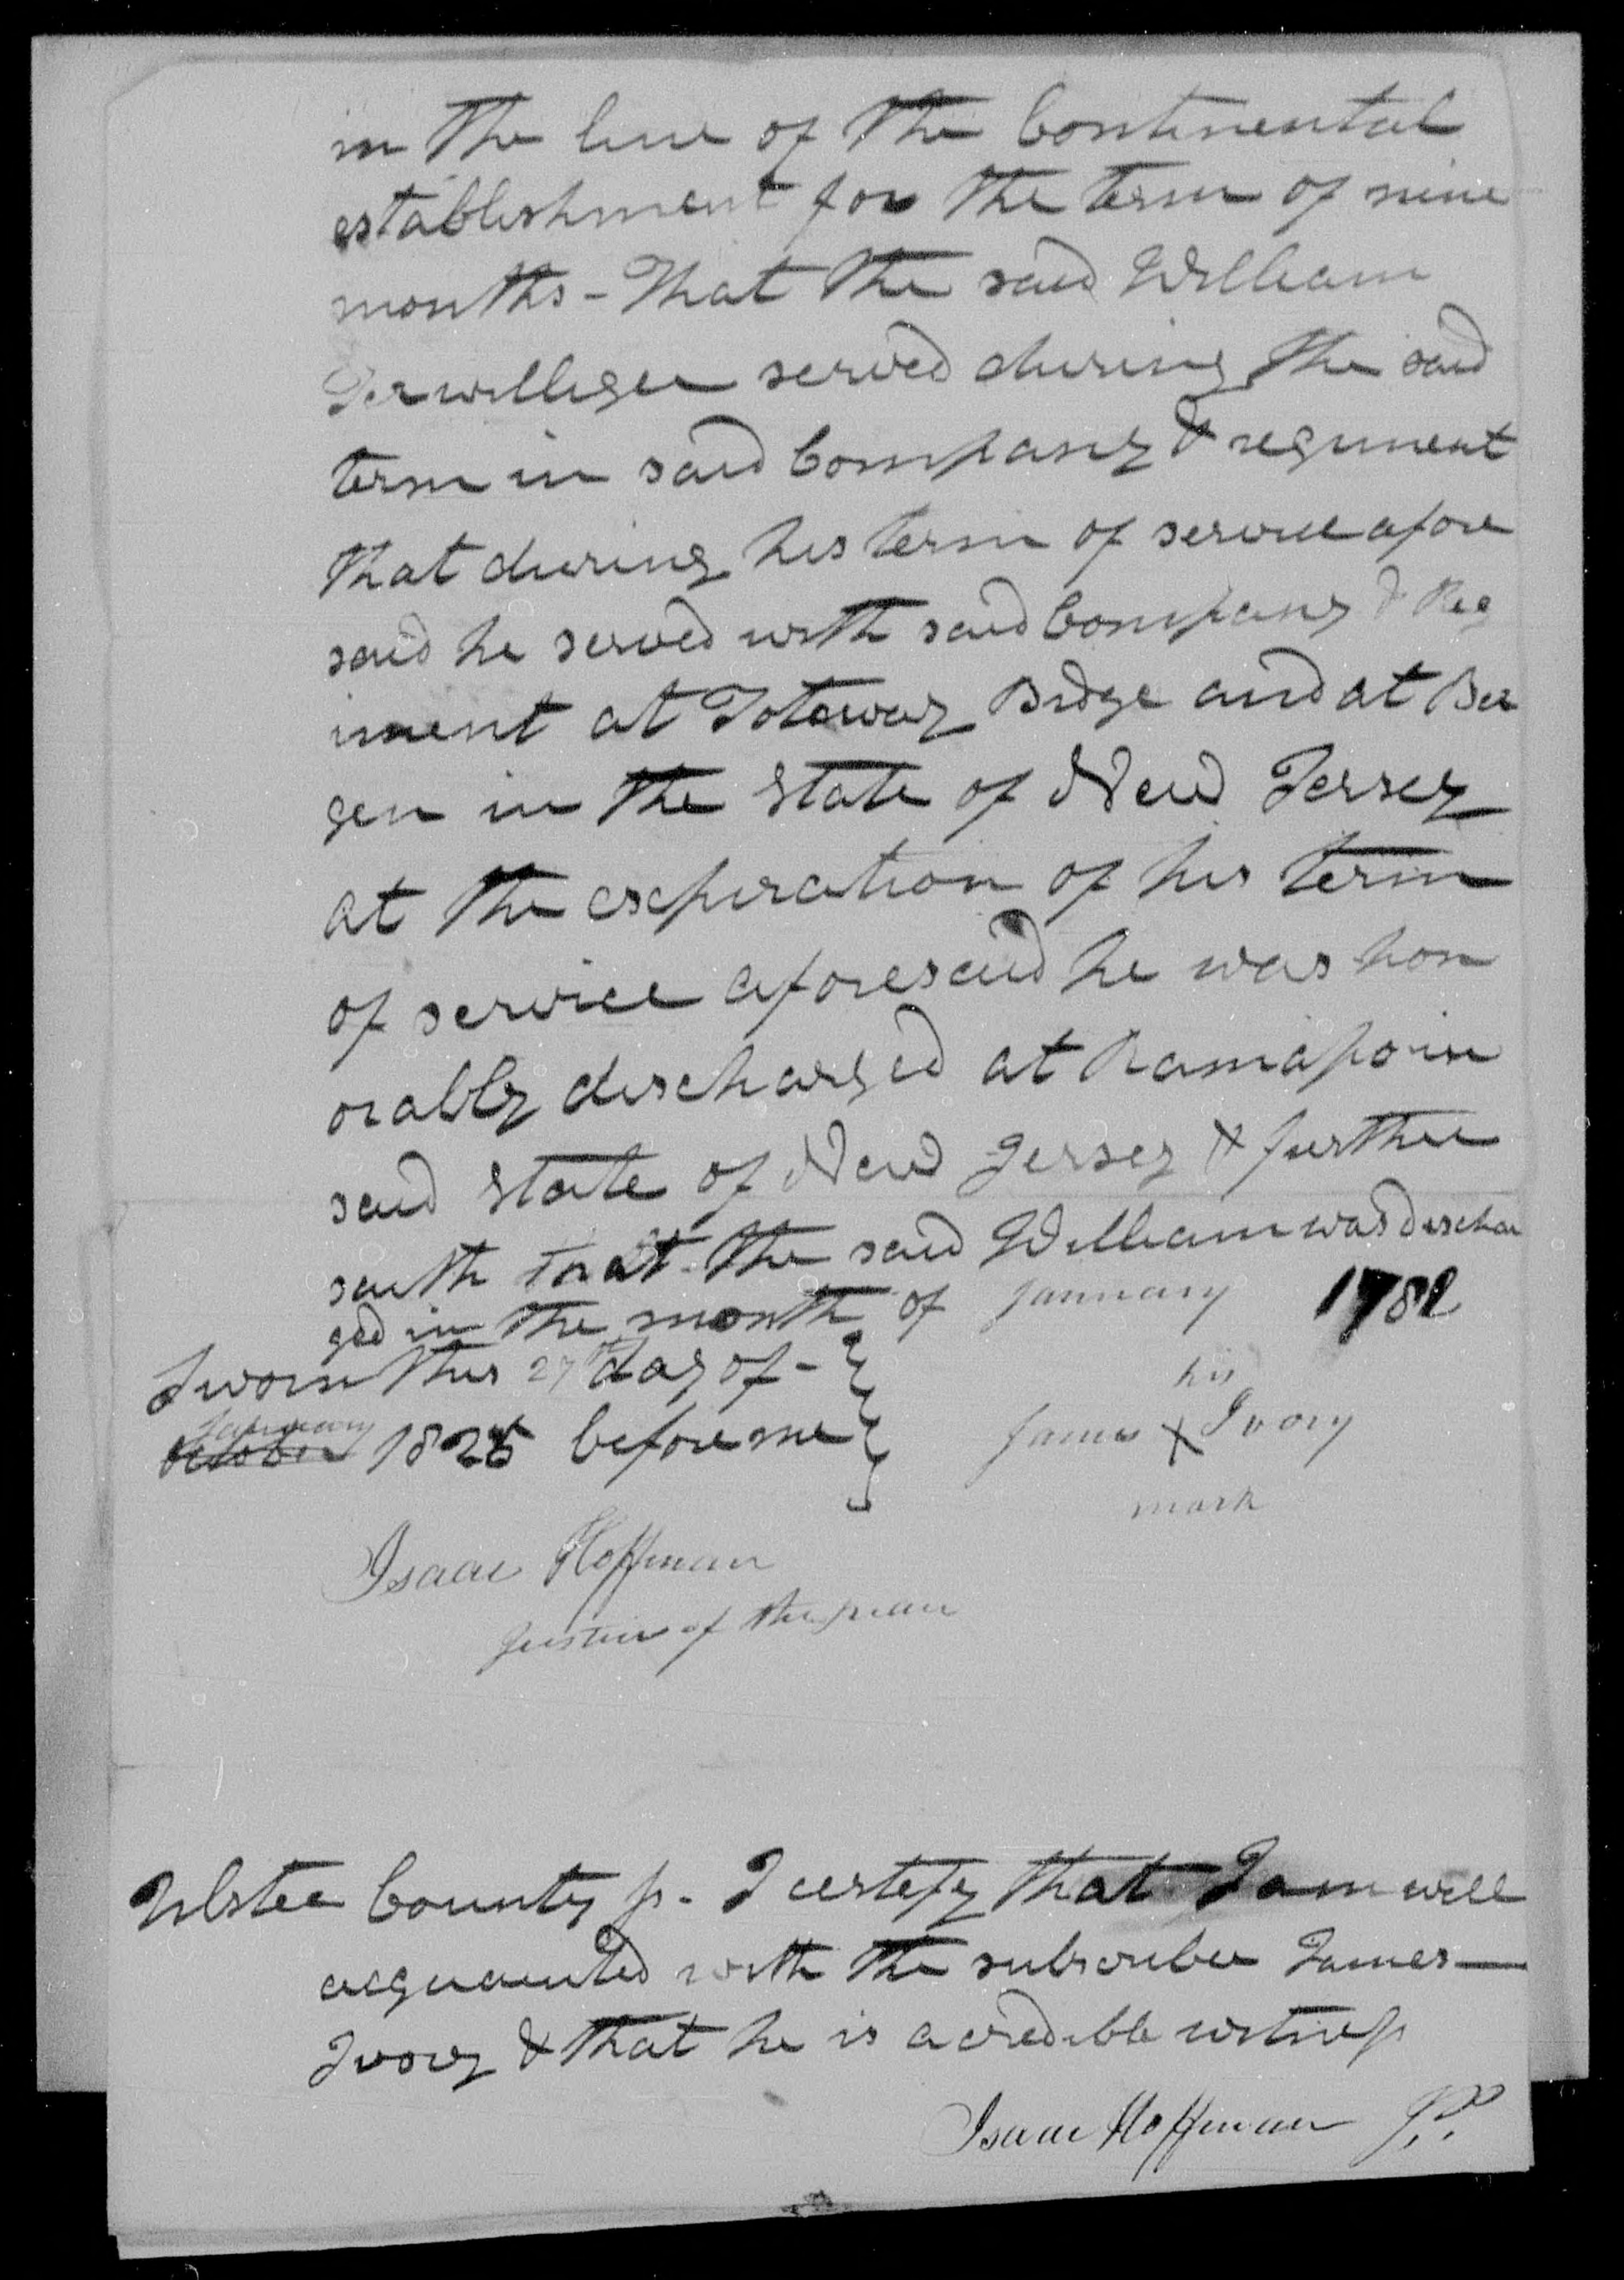in the line of the Continental
establishment for the term of nine
months - That the said William
Terwilliger served during the said
term in said company & regiment
that during his term of service afore
said he served with said Company & Regiment at Totoway Bridge and at Bergen in the State of New Jersey
at the expiration of his term
of service aforesaid he was honorably discharged at Ramapoin
said State of New Jersey & further
with that the said William was discharged in the month of January of 1782

James his x mark Ivory

Sworn this 27th day of
1825 before me
Isaac Hoffman
Justice of the Peace

Ulster County ss. I certify that I am well
acquainted with the subscriber James-
Ivory & that he is a credible witness
Isaac Hoffman J.P.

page: 45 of 64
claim: survivor's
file: S. 42,464, for William Terwilliger, New York